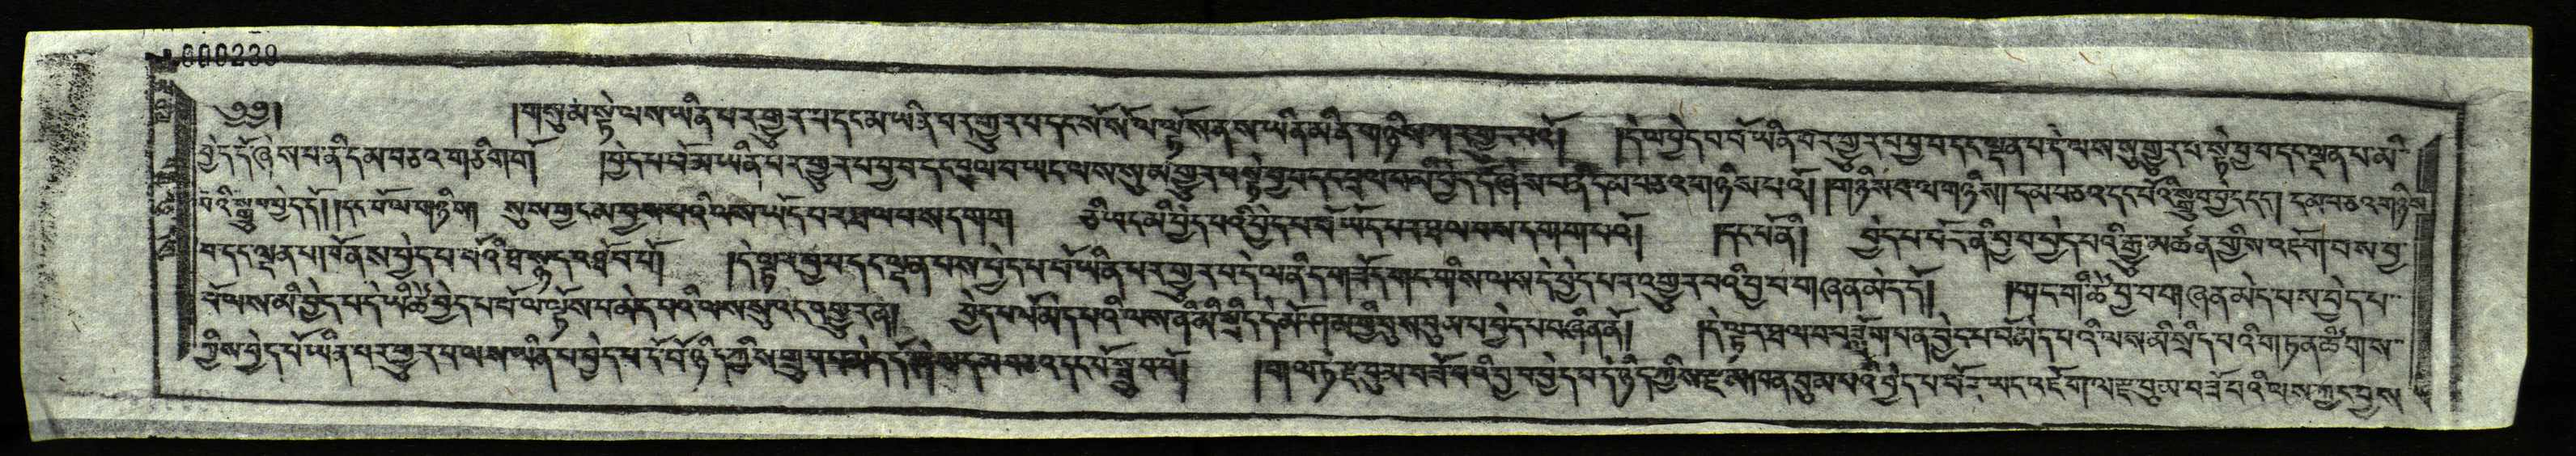༄༅། །གསུམ་སྟེ་ལས་ཡིན་པར་གྱུར་པ་དང་མ་ཡིན་པར་གྱུར་པ་དང་སོ་སོ་ལ་ལྟོས་ནས་ཡིན་མིན་གཉིས་ཀར་གྱུར་པའོ། །དེ་ལ་བྱེད་པ་པོ་ཡིན་པར་གྱུར་པ་བྱ་བ་དང་ལྡན་པ་དེ་ལས་སུ་གྱུར་པ་སྟེ་བྱ་བ་དང་ལྡན་པ་མི་
བྱེད་དོ་ཞེས་པ་ནི་དམ་བཅའ་གཅིག་གོ །བྱེད་པ་པོ་མ་ཡིན་པར་གྱུར་པ་བྱ་བ་དང་བྲལ་བ་ཡང་ལས་སུ་མ་གྱུར་པ་སྟེ་བྱ་བ་དང་བྲལ་བ་མི་བྱེད་དོ་ཞེས་པ་ནི་དམ་བཅའ་གཉིས་པའོ། །གཉིས་པ་ལ་གཉིས། དམ་བཅའ་དང་པོའི་སྒྲུབ་བྱེད་དང་། དམ་བཅའ་གཉིས་
པོའི་སྒྲུབ་བྱེད་དོ། །དང་པོ་ལ་གཉིས། སུས་ཀྱང་མ་བྱས་པའི་ལས་ཡོད་པར་ཐལ་བས་དགག་ཅི་ཡང་མི་བྱེད་པའི་བྱེད་པ་པོ་ཡོད་པར་ཐལ་བས་དགག་པའོ། །དང་པོ་ནི། བྱེད་པ་པོར་ནི་བྱ་བ་བྱེད་པའི་རྒྱུ་མཚན་གྱིས་འཇོག་པས་བྱ་
བ་དང་ལྡན་པ་ཁོ་ནས་བྱེད་པ་པོའི་ཐ་སྙད་འཐོབ་བོ། །དེ་ལྟར་བྱ་བ་དང་ལྡན་པས་བྱེད་པ་པོ་ཡིན་པར་གྱུར་པ་དེ་ལ་ནི་དག་ཟོད་གང་གིས་ལས་དེ་བྱེད་པར་འགྱུར་བའི་བྱ་བ་གཞན་མེད་དོ། །གང་གི་ཚེ་བྱ་བ་གཞན་མེད་པས་བྱེད་པ་
པོ་ལས་མི་བྱེད་པ་དེ་ཡི་ཚེ་བྱེད་པ་པོ་ལ་ལྟོས་པ་མེད་པའི་ལས་སུའང་འགྱུར་ན། བྱེད་པ་པོ་མེད་པའི་ལས་ནི་མི་སྲིད་དེ་མོ་ཤམ་གྱི་བུས་བུམ་པ་བྱེད་པ་བཞིན་ནོ། །དེ་ལྟར་ཐལ་བ་བཟློག་པ་ན་བྱེད་པ་པོ་མེད་པའི་ལས་མི་སྲིད་པའི་གཏན་ཚིགས་
ཀྱིས་བྱེད་པོ་ཡིན་པར་གྱུར་པ་ལས་ཡིན་པ་བྱེད་པ་ངོ་བོ་ཉིད་ཀྱིས་གྲུབ་པ་མེད་དོ་ཞེས་དམ་བཅའ་དང་པོ་སྒྲུབ་བོ། །གལ་ཏེ་རྫ་བུམ་བཟོ་བའི་བྱ་བ་བྱེད་པ་དེ་ཉིད་ཀྱིས་རྫ་མཁན་བུམ་པའི་བྱེད་པ་པོར་ཡང་འཇོག་ལ་རྫ་བུམ་བཟོ་བའི་ལས་ཀྱང་བྱས་